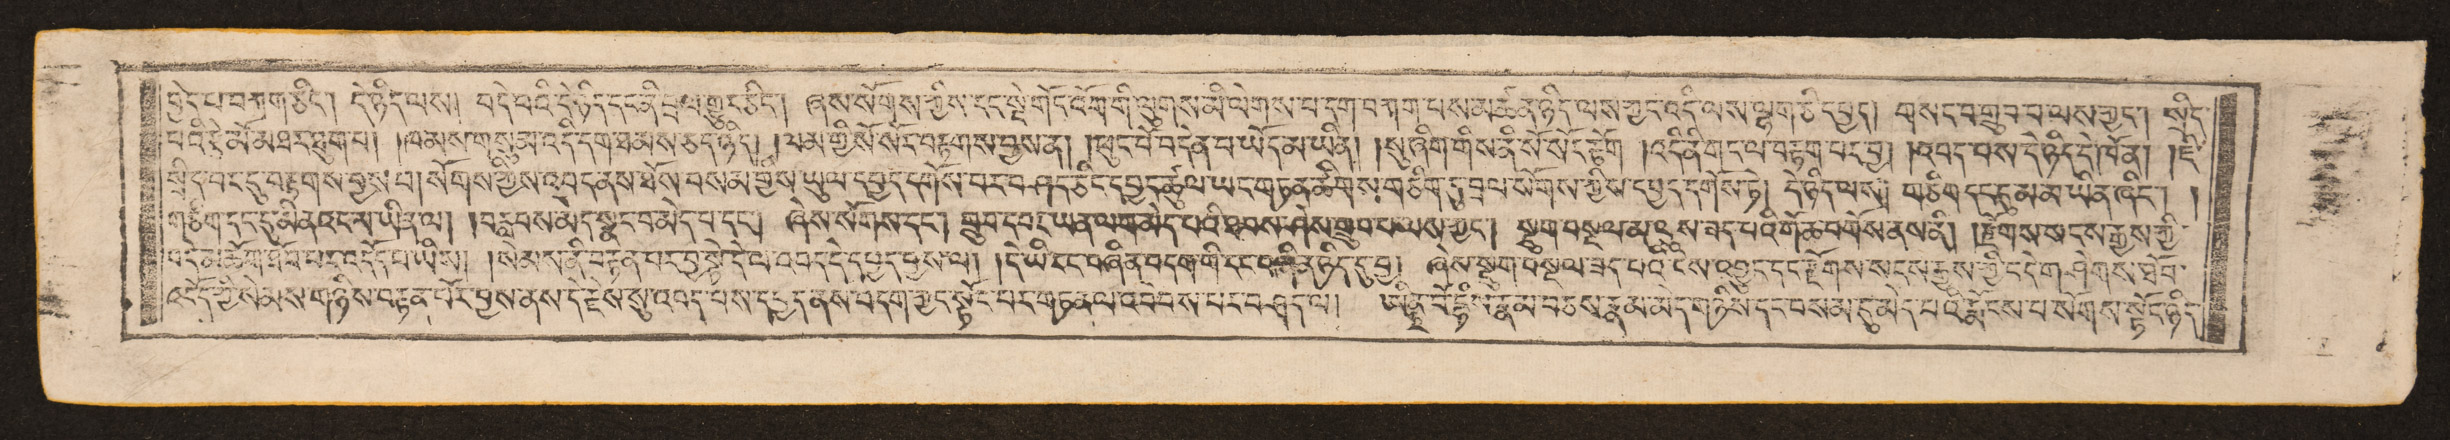བྱེད་པ་བཀག་ཅིང་། དེ་ཉིད་ལས། བདེ་བའི་དེ་ཉིད་དང་ནི་བྲལ་གྱུར་ཅིང་། ཞེས་སོགས་ཀྱིས་རང་སྡེ་གོང་འོག་གི་ལུགས་མི་ལེགས་པ་དག་བཀག་པས་མཚན་ཉིད་ལས་ཀྱང་འདི་ལས་ལྷག་ཅི་དཔྱད། གསང་བ་གྲུབ་པ་ལས་ཀྱང་། སྲིད་
པའི་རྩེ་མོ་མཐར་ཐུག་པ། །ཁམས་གསུམ་འདི་དག་ཐམས་ཅད་ཉིད། །ལམ་གྱི་སོ་སོར་བརྟགས་བྱས་ན། །ཕུང་པོ་བདེན་པ་ཡོད་མ་ཡིན། །སུ་ཞིག་གིས་ནི་སོ་སོར་རྟོག །འདི་ནི་གང་ལ་བརྟག་པར་བྱ། །འབད་པས་དེ་ཉིད་དེ་ཁོ་ན། །ཇི་
སྲིད་པར་དུ་བརྟགས་བྱས་པ། སོགས་ཀྱིས་འབད་ནས་ཐོས་བསམ་གྱིས་ཡུལ་དབྱད་དགོས་པར་བཤད་ཅིང་དབྱད་ཚུལ་ཡང་གཏན་ཚིགས་གཅིག་དུ་བྲལ་སོགས་ཀྱིས་དབྱད་དགོས་ཏེ། དེ་ཉིད་ལས། གཅིག་དང་དུ་མ་མ་ཡིན་ཞིང་། །
གཅིག་དང་དུ་མིན་ནའང་མ་ཡིན་ལ། །བརླབས་མད་སྣང་བ་མེད་པ་དང་། ཞེས་སོགས་དང་། གྲུབ་དབང་ཡན་ལག་མེད་པའི་ཐབས་ཤེས་གྲུབ་པ་ལས་ཀྱང་། སྡུག་བསྔལ་མ་ལུས་ཟད་པའི་གོ་ཆ་བགོས་ནས་ནི། །རྫོགས་སངས་རྒྱས་ཀྱི་
བདེ་མཆོག་ཐོབ་པར་འདོད་པ་ཡིས། །སེམས་ནི་བརྟན་པར་བྱ་སྟེ་དེ་ལ་འབད་དེ་དཔྱད་བྱས་ལ། །དེ་ཡི་རང་བཞིན་བདག་གི་རང་བཞིན་ཉིད་དུ་བྱ། ཞེས་སྡུག་བསྔལ་ཟད་པའི་ངེས་འབྱུང་དང་རྫོགས་སངས་རྒྱས་ཀྱི་བདེ་གཤེགས་ཐོབ་
འདོད་ཀྱི་སེམས་གཉིས་བརྟན་པོར་བྱས་ནས་དེ་རྗེས་སུ་འབད་པས་དཔྱད་ནས་བདག་ཀྱང་སྟོང་པར་གཏན་ལ་འབེབས་པར་བཤད་ལ། ཨིནྟྲ་པོ་དྷིས་རྣམ་བཅས་རྣམ་མེད་གཉིས་དང་བསམ་དུ་མེད་པའི་རྨོངས་བ་སོགས་སྟོང་ཉིད་